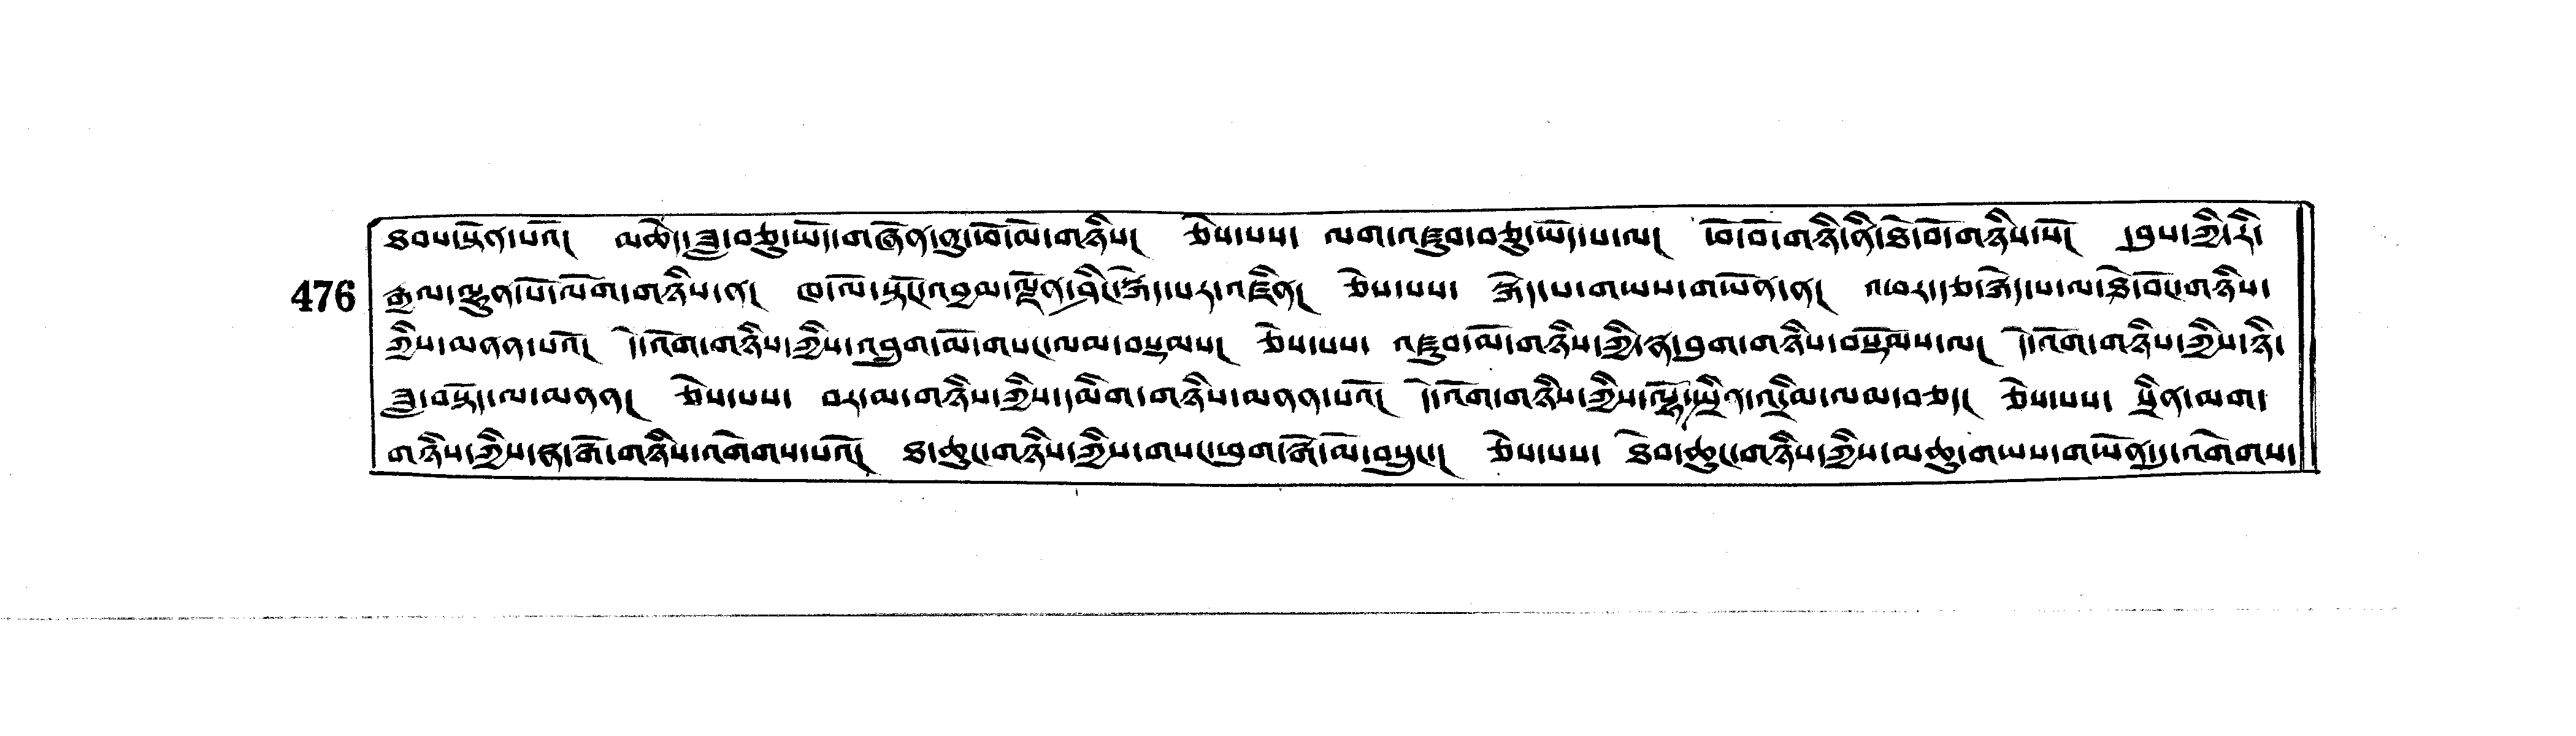ཐབས་སྟོན་པའོ། མཆེད་ཟླ་བཅུ་ཡོད་གཞོན་ནུ་ཕོ་མོ་གཉིས། ཅེས་པས། ལག་མཛུབ་བཅུ་ཡོད་པ་ལ་ཕོ་བོ་གཉིས་ནི་ཐེ་བོ་གཉིས་སོ། དབུས་ཀྱི་རི་
རྒྱལ་ལྷུན་པོ་ལོགས་གཉིས་ན། ཁ་ལེ་སྟོང་འབྱམས་ལྗོན་ཤིང་སྐེད་པར་འཛིན། ཅེས་པས། སྐེད་ལ་གཡས་གཡོན་ན། འཕར་རྩ་སྐེད་པ་མཐེ་བོང་གཉིས་
ཀྱིས་མནན་པའོ། དེ་འོག་གཉིས་ཀྱིས་འབྲུག་མོ་གསང་ལམ་བསྡམས། ཅེས་པས། མཛུབ་མོ་གཉིས་ཀྱིས་སྣ་བུག་གཉིས་བསྡམས་ལ། དེ་འོག་གཉིས་ཀྱིས་ཉི་
ཟླ་རྟོད་ལ་མནན། ཅེས་པས། བར་མ་གཉིས་ཀྱིས་མིག་གཉིས་མནན་པའོ། དེ་འོག་གཉིས་ཀྱིས་ལྷོ་སྤྲིན་འདྲིལ་ལམ་བཅད། ཅེས་པས། སྲིན་ལག་
གཉིས་ཀྱིས་སྣ་སྒོ་གཉིས་འགེག་པའོ། ཐ་ཆུང་གཉིས་ཀྱིས་གསང་ཕུག་སྒོ་མོ་བསྲུང་། ཅེས་པས། མཐེབ་ཆུང་གཉིས་ཀྱིས་མཆུ་གཡས་གཡོན་དུ་འགེགས་